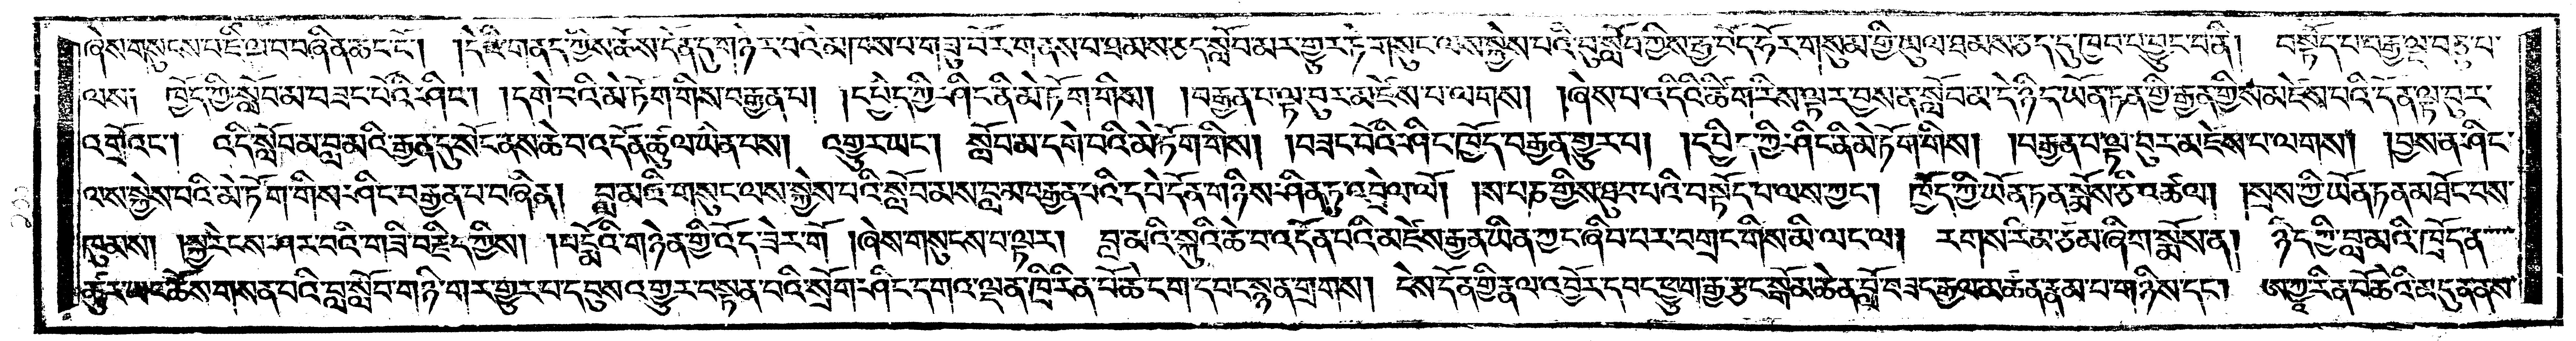ཞེས་གསུངས་བ་ཇི་ལྟ་བ་བཞིན་ཆང་དོ། །དེའི་གནད་ཀྱིས་ཆོས་དོན་དུ་གཉེར་བའི་མཁས་པ་གཟུ་བོར་གནས་པ་ཐམས་ཅད་སློབ་མར་གྱུར་ཏེ་གསུང་ལས་སྐྱེས་པའི་བུ་སློབ་ཀྱིས་རྒྱ་བོད་ཧོར་གསུམ་གྱི་ཡུལ་ཐམས་ཅད་དུ་ཁྱབ་པ་བྱུང་བ་ནི། བསྟོད་པ་བརྒྱ་ལྔ་བཅུ་པ་
ལས༑ ཁྱོད་ཀྱི་སློབ་མ་བཟང་པོའི་ཤིང་། །དགེ་བའི་མེ་ཏོག་གིས་བརྒྱན་པ། །དཔྱིད་ཀྱི་ཤིང་ནི་མེ་ཏོག་གིས། །བརྒྱན་པ་ལྟ་བུར་མཛེས་པ་ལགས། །ཞེས་པ་འདིའི་ཚིག་རིས་ལྟར་བྱས་ན་སློབ་མ་དེ་ཉིད་ཡོན་ཏན་གྱི་རྒྱན་གྱིས་མཛེས་པའི་དོན་ལྟ་བུར་
འགྲོ་འང་། འདི་སློབ་མ་བླ་མའི་རྒྱན་དུ་སོང་ནས་ཆེ་བ་འདོན་ཚུལ་ཡིན་པས། འགྱུར་ཡང་། སློབ་མ་དགེ་བའི་མེ་ཏོག་གིས། །བཟང་བོའི་ཤིང་ཁྱོད་བརྒྱན་གྱུར་པ། །དཔྱིད་ཀྱི་ཤིང་ནི་མེ་ཏོག་གིས། །བརྒྱན་པ་ལྟ་བུར་མཛེས་པ་ལགས། །བྱས་ན་ཤིང་
ལས་སྐྱེས་བའི་མེ་ཏོག་གིས་ཤིང་བརྒྱན་པ་བཞིན། བླ་མའི་གསུང་ལས་སྐྱེས་པའི་སློབ་མས་བླ་མ་བརྒྱན་པའི་དཔེ་དོན་གཉིས་ཤིན་ཏུ་འབྲེལ་ལོ། །ས་པཎ་གྱིས་ཐུབ་པའི་བསྟོད་པ་ལས་ཀྱང་། ཁྱོད་ཀྱི་ཡོན་ཏན་སྨོས་ཅི་འཚལ། །སྲས་ཀྱི་ཡོན་ཏན་མཐོང་བས་
ཁུམས། །སྐྱ་རེངས་ཤར་བའི་གཟི་བརྗིད་ཀྱིས། །པདམོའི་གཉེན་གྱི་འོད་ཟེར་གོ །ཞེས་གསུངས་བ་ལྟར། བླ་མའི་སྐུའི་ཆེ་བ་འདོན་པའི་མཛེས་རྒྱན་ཡིན་ཀྱང་ཞིབ་པར་བགྲང་གིས་མི་ལང་ལ། རགས་རིམ་ཙམ་ཞིག་སྨོས་ན། ཉིད་ཀྱི་བླ་མའི་ཁྲོད་ན་
ཚུར་ཡང་ཆོས་གསན་པའི་བླ་སློབ་གཉི་གར་གྱུར་པ་དབུས་འགྱུར་བསྟན་པའི་སྲོག་ཤིང་དགའ་ལྡན་ཁྲི་རིན་པོ་ཆེ་དག་དབང་སྙན་གྲགས། ངེས་དོན་གྱི་རྣལ་འབྱོར་དབང་ཕྱུག་རྒྱ་རྩང་སྒོམ་ཆེན་བློ་བཟང་རྒྱལ་མཚན་རྣམ་པ་གཉིས་དང་། ཨཀྱཱ་རིན་པོ་ཆེའི་མདུན་ནས་